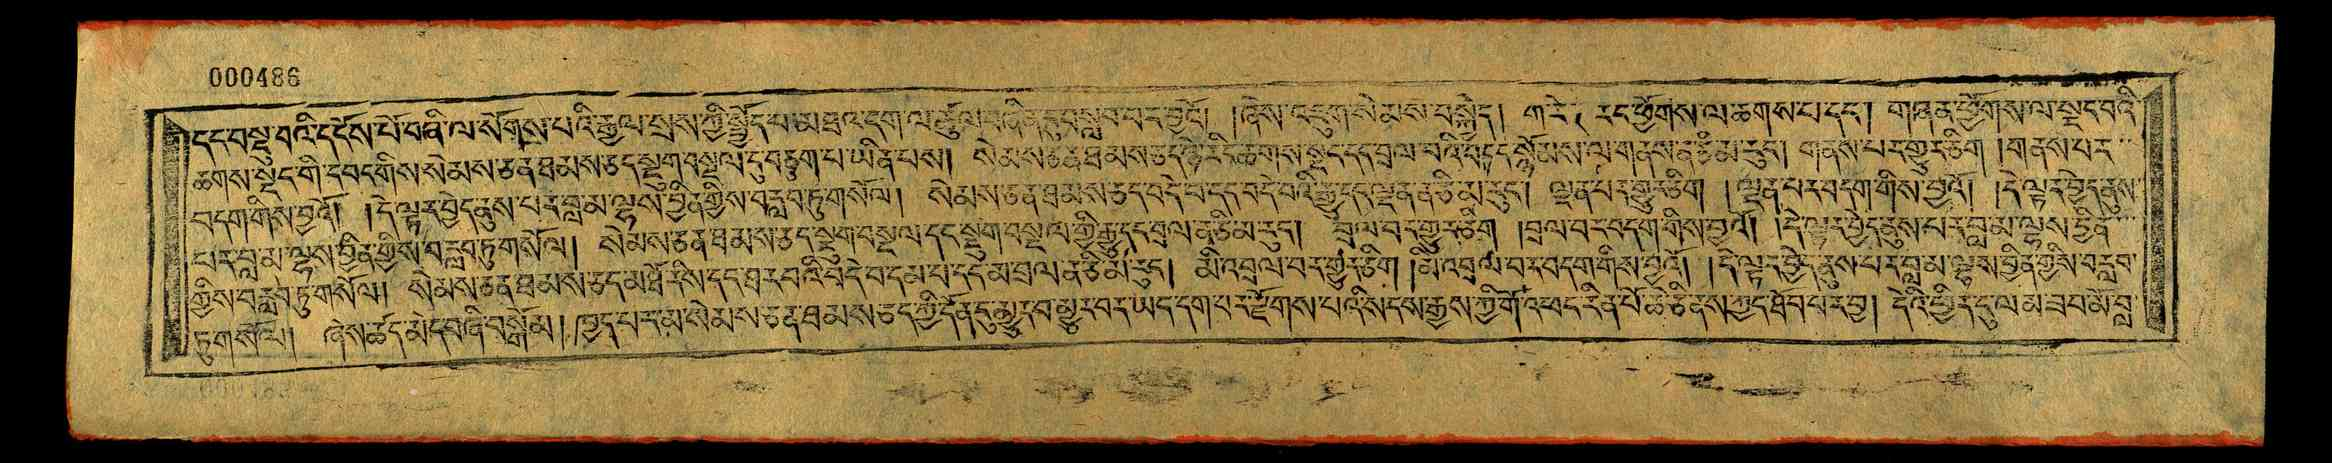དང་བསྡུ་བའི་དངོས་པོ་བཞི་ལ་སོགས་པའི་རྒྱལ་སྲས་ཀྱི་སྤྱོད་པ་མཐའ་དག་ལ་ཚུལ་བཞིན་དུ་བསླབ་པར་བྱའོ། །ཞེས་འཇུག་སེམས་བསྐྱེད། ག་རེ༑ རང་ཕྱོགས་ལ་ཆགས་པ་དང་། གཞན་ཕྱོགས་ལ་སྡང་བའི་
ཆགས་སྡང་གི་དབང་གིས་སེམས་ཅན་ཐམས་ཅད་སྡུག་བསྔལ་དུ་བཅུག་པ་ཡིན་པས། སེམས་ཅན་ཐམས་ཅད་ཉེ་རིང་ཆགས་སྡང་དང་བྲལ་བའི་བཏང་སྙོམས་ལ་གནས་ན་ཅི་མ་རུང་། གནས་པར་གྱུར་ཅིག །གནས་པར་
བདག་གིས་བྱའོ། །དེ་ལྟར་བྱེད་ནུས་པར་བླ་མ་ལྷས་བྱིན་གྱིས་བརླབ་ཏུ་གསོལ། སེམས་ཅན་ཐམས་ཅད་བདེ་བ་དང་བདེ་བའི་རྒྱུ་དང་ལྡན་ན་ཅི་མ་རུང་། ལྡན་པར་གྱུར་ཅིག །ལྡན་པར་བདག་གིས་བྱའོ། །དེ་ལྟར་བྱེད་ནུས་
པར་བླ་མ་ལྷས་བྱིན་གྱིས་བརླབ་ཏུ་གསོལ། སེམས་ཅན་ཐམས་ཅད་སྡུག་བསྔལ་དང་སྡུག་བསྔལ་གྱི་རྒྱུ་དང་བྲལ་ན་ཅི་མ་རུང་། བྲལ་བར་གྱུར་ཅིག །བྲལ་བར་བདག་གིས་བྱའོ། །དེ་ལྟར་བྱེད་ནུས་པར་བླ་མ་ལྷས་བྱིན་
གྱིས་བརླབ་ཏུ་གསོལ། སེམས་ཅན་ཐམས་ཅད་མཐོ་རིས་དང་ཐར་པའི་བདེ་བ་དམ་པ་དང་མ་བྲལ་ན་ཅི་མ་རུང་། མི་འབྲལ་བར་གྱུར་ཅིག །མི་འབྲལ་བར་བདག་གིས་བྱའོ། །དེ་ལྟར་བྱེད་ནུས་པར་བླ་མ་ལྷས་བྱིན་གྱིས་བརླབ་
ཏུ་གསོལ། ཞེས་ཚད་མེད་བཞི་བསྒོམ། ཁྱད་པར་མ་སེམས་ཅན་ཐམས་ཅད་ཀྱི་དོན་དུ་མྱུར་བ་མྱུར་བར་ཡང་དག་པར་རྫོགས་པའི་སངས་རྒྱས་ཀྱི་གོ་འཕང་རིན་པོ་ཆེ་ཅི་ནས་ཀྱང་ཐོབ་པར་བྱ། དེའི་ཕྱིར་དུ་ལམ་ཟབ་མོ་བླ་